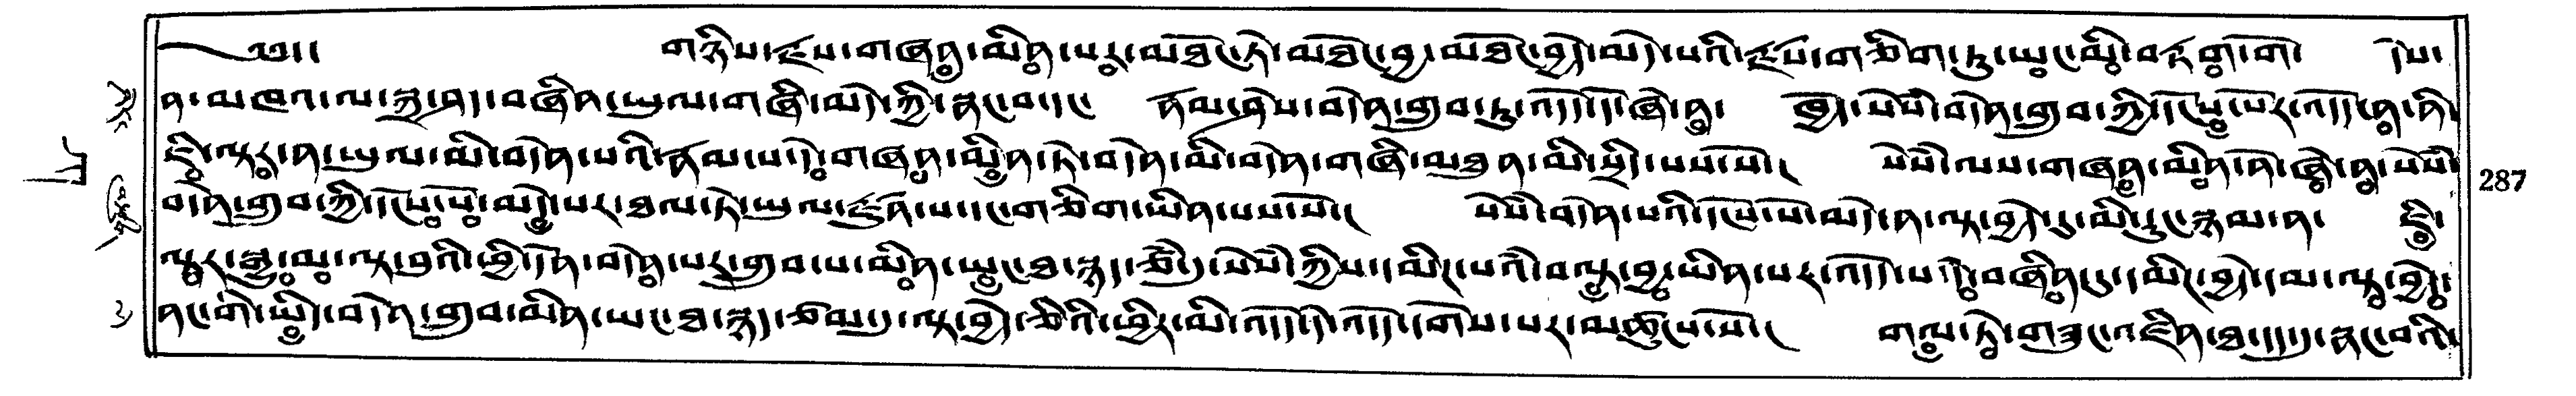གཉིས་རྫས་གཞན་མིན་པར་མཐོང་སྟེ་མཐོང་བྱ་མཐོང་བྱེད་མེད་པའི་རྫས་གཅིག་ཏུ་ཡང་མི་བརྟག་གོ ། དེས་
ན་མཁའ་ལ་སྐྲ་ཤད་བཞིན་ཡུལ་གཞི་མེད་ཀྱི་སྣང་བ་དང་། རྣམ་ཤེས་བདེན་གྲུབ་ཏུ་འདོད་དོ་ཞེ་ན། ཁྱོད་སེམས་བདེན་གྲུབ་ཀྱི་དངོས་པོར་འདོད་ན་ནི་
ཇི་ལྟར་ན་ཡུལ་མི་བདེན་པའི་རྣམ་པ་དེ་གཞན་མིན་ཏེ་བདེན་མི་བདེན་གཞི་མཐུན་མི་སྲིད་པས་སོ། སེམས་ལས་གཞན་མིན་ནོ་ཞེ་ན་སེམས་
བདེན་གྲུབ་ཀྱི་དངོས་པོ་མེད་པར་ཐལ་ཏེ་ཡུལ་རྫུན་པ་དང་གཅིག་ཡིན་པས་སོ།། སེམས་བདེན་པའི་དངོས་པོ་མེད་ན་ལྟ་བྱེད་དུ་མི་རུང་སྙམ་ན། ཇི་
ལྟར་སྒྱུ་མ་ལྟ་བུའི་ཕྱི་དོན་བདེན་པར་གྲུབ་པ་མིན་ཡང་ཐ་སྙད་ཙམ་དུ་སེམས་ཀྱིས་དམིགས་པའམ་བལྟ་བྱ་ཡིན་པར་འདོད་པ་དེ་བཞིན་དུ་དམིགས་བྱེད་དམ་ལྟ་བྱེད་
ནང་གི་ཡིད་བདེན་གྲུབ་མིན་ཡང་ཐ་སྙད་ཙམ་དུ་ལྟ་བྱེད་ཅིའི་ཕྱིར་མི་འདོད་དེ་འདོད་དགོས་པར་མཚུངས་སོ།། གལ་ཏེ་གཟུང་འཛིན་ཐ་དད་དུ་སྣང་བའི་